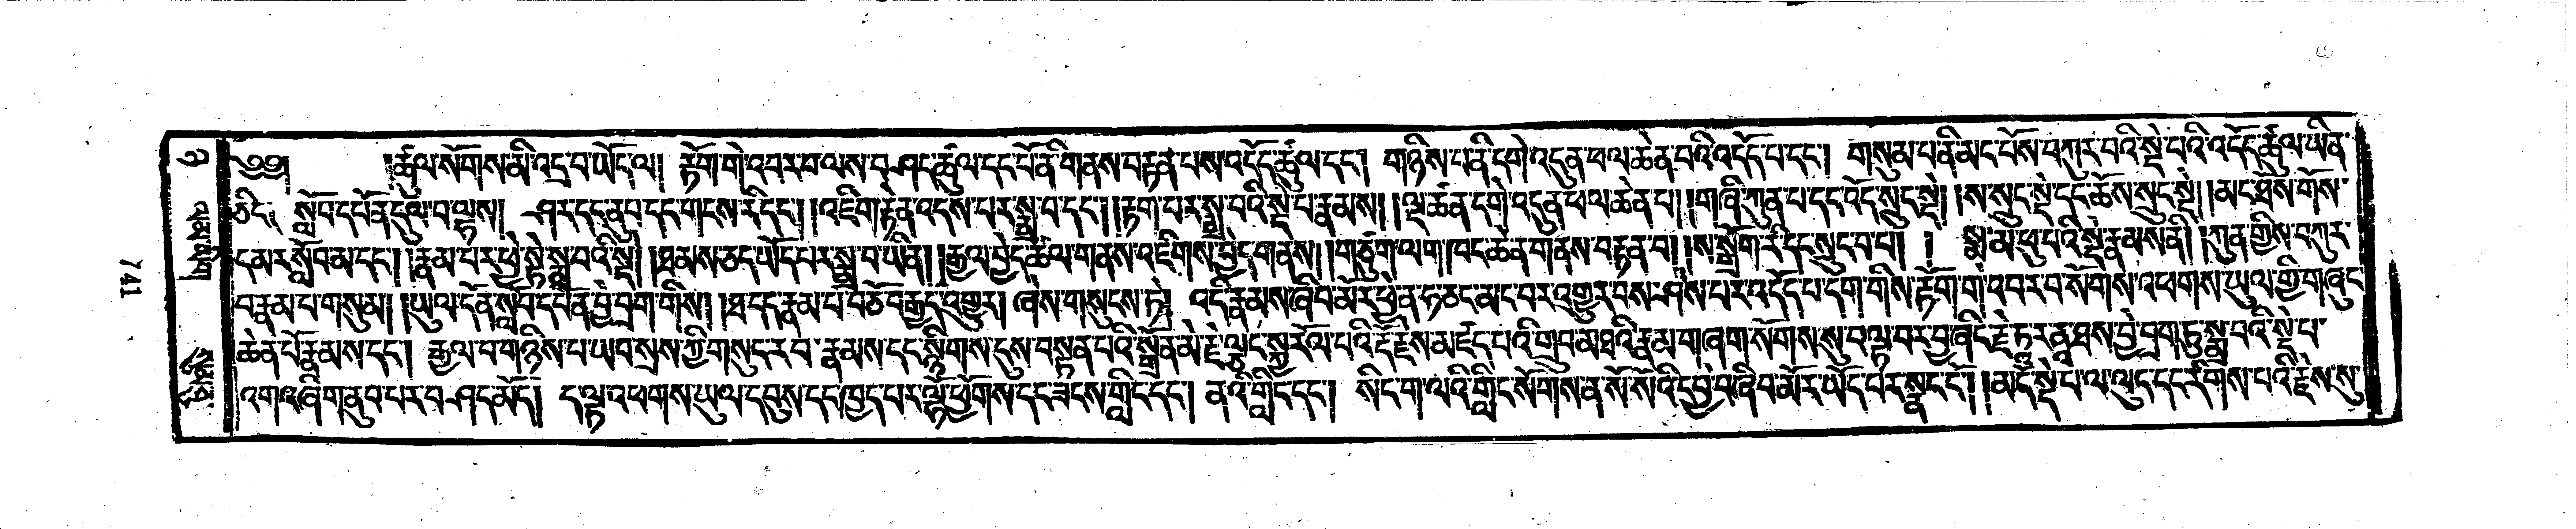༄༅། །ཚུལ་སོགས་མི་འདྲ་བ་ཡོད་ལ། རྟོག་གེ་འབར་བ་ལས་བཤད་ཚུལ་དང་པོ་ནི་གནས་བརྟན་པས་འདོད་ཚུལ་དང་། གཉིས་པ་ནི་དགེ་འདུན་ཕལ་ཆེན་པའི་འདོད་པ་དང་། གསུམ་པ་ནི་མང་པོས་བཀུར་བའི་སྡེ་པའི་འདོད་ཚུལ་ཡིན་
ཅིང༑ སློབ་དཔོན་དུལ་བ་ལྷས། ཤར་དང་ནུབ་དང་གངས་རི་དང་། །འཇིག་རྟེན་འདས་པར་སྨྲ་བ་དང་། །རྟག་པར་སྨྲ་བའི་སྡེ་པ་རྣམས། །ལྡ་ཚན་དགེ་འདུན་ཕལ་ཆེན་པ། །གཞི་ཀུན་པ་དང་འོད་སྲུང་སྡེ། །ས་སྲུང་སྡེ་དང་ཆོས་སྲུང་སྡེ། །མང་ཐོས་གོས་
དམར་སློབ་མ་དང་། །རྣམ་པར་ཕྱེ་སྟེ་སྨྲ་བའི་སྡེ། །ཐམས་ཅད་ཡོད་པར་སྨྲ་བ་ཡིན། །རྒྱལ་བྱེད་ཚལ་གནས་འཇིགས་བྱེད་གནས། །གཙུག་ལག་ཁང་ཆེན་གནས་བརྟན་བ། །ས་སྒྲོག་རི་དང་སྲུང་བ་པ། །སྨ་མ་ཕུ་པའི་སྡེ་རྣམས་ནི། །ཀུན་གྱིས་བཀུར་
བ་རྣམ་པ་གསུམ། །ཡུལ་དོན་སློབ་དཔོན་བྱེ་བྲག་གིས། །ཐ་དད་རྣམ་པ་བཅོ་བརྒྱད་འགྱུར། ཞེས་གསུངས་ཏེ། འདི་རྣམས་ཞིབ་མོར་ཕྱེ་ན་ཧ་ཅང་མང་བར་འགྱུར་བས་ཤེས་པར་འདོད་པ་དག་གིས་རྟོག་ག་འབར་བ་སོགས་འཕགས་ཡུལ་གྱི་གཞུང་
ཆེན་པོ་རྣམས་དང་། རྒྱལ་བ་གཉིས་པ་ཡབ་སྲས་ཀྱི་གསུང་རབ་རྣམས་དང་སྙིགས་དུས་བསྟན་པའི་སྒྲོན་མེ་རྗེ་ལྕང་སྐྱ་རོལ་པའི་རྡོ་རྗེས་མཛད་པའི་གྲུབ་མཐའི་རྣམ་གཞག་སོགས་སུ་བལྟ་བར་བྱ་ཞིང་རྗེ་ཏཱ་ར་ནཱ་ཐས་བྱེ་བྲག་ཏུ་སྨྲ་བའི་སྡེ་པ་
འགའ་ཞིག་ནུབ་པར་བཤད་མོད། ད་ལྟ་འཕགས་ཡུལ་དབུས་དང་ཁྱད་པར་ལྷོ་ཕྱོགས་དང་ཟངས་གླིང་དང་། ནའི་གླིང་དང་། སིང་ག་ལའི་གླིང་སོགས་ན་སོ་སོའི་དབྱེ་བཞི་བ་མོར་ཡོད་པར་སྣང་ངོ། །མདོ་སྡེ་པ་ལ་ལུད་དང་རིགས་པའི་རྗེས་སུ་